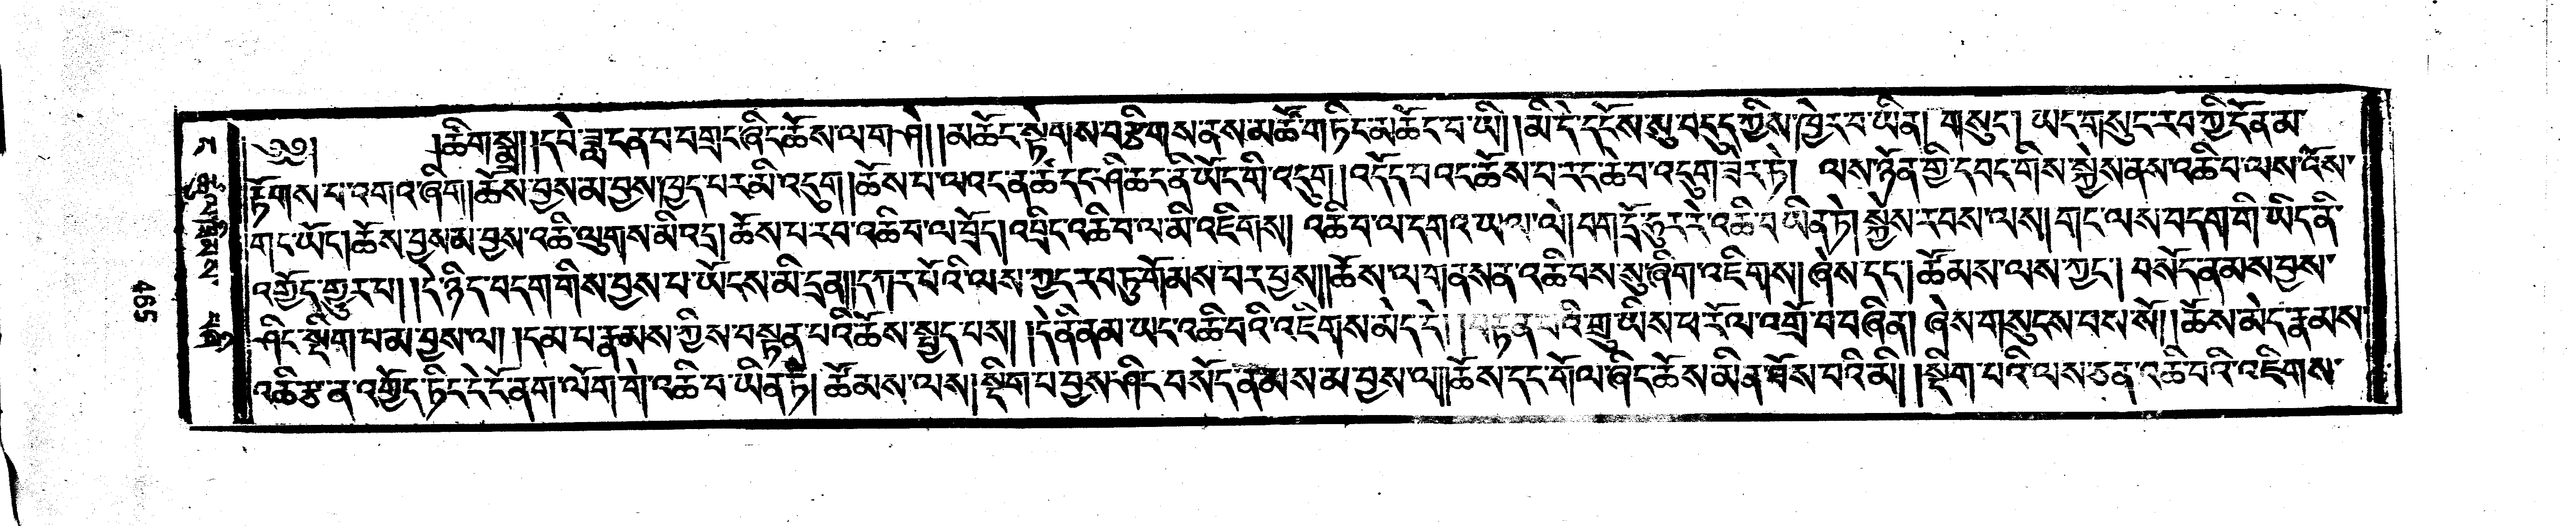༄༅། །ཚིག་སྨྲ། །དཔེ་ཟླ་ངན་པ་བགྲང་ཞིད་ཆོས་ལ་གཤེ། །མཆོང་སྟེགས་བརྩིགས་ནས་མཚོ་གཏིང་མཆོང་བ་ཡི། །མི་དེ་དངོས་སུ་བདུད་ཀྱིས་ཁྱེར་བ་ཡིན། གསུང་། ཡང་གསུང་རབ་ཀྱི་དོན་མ་
རྟོགས་པ་འགའ་ཞིག །ཆོས་བྱས་མ་བྱས་ཁྱད་པར་མི་འདུག །ཆོས་པ་ལའང་ན་ཚ་དང་ཤི་ཆང་ནི་ཡོང་གི་འདུག །འདོད་པའང་ཆོས་པ་རང་ཆེ་བ་འདུག་ཟེར་ཏེ། ལས་ཉོན་གྱི་དབང་གིས་སྐྱེས་ནས་འཆི་བ་ལས་འོས་
གང་ཡོང་། ཆོས་བྱས་མ་བྱས་འཆི་ལུགས་མི་འདྲ། ཆོས་པ་རབ་འཆི་བ་ལ་བྲོད། འབྲིང་འཆི་བ་ལ་མི་འཇིགས། འཆི་བ་ལ་དགའ་ཡལ་ལེ། བག་དྲོ་ཧུར་རེ་འཆི་བ་ཡིན་ཏེ། སྐྱེས་རབས་ལས། གང་ལས་བདག་གི་ཡིད་ནི་
འགྱོད་གྱུར་པ། །དེ་ཉིད་བདག་གིས་བྱས་པ་ཡོངས་མི་དྲན། །དཀར་པོའི་ལས་ཀྱང་རབ་ཏུ་གོམས་པར་བྱས། །ཆོས་ལ་གནས་ན་འཆིབས་སུ་ཞིག་འཇིགས། ཞེས་དང་། ཚོམས་ལས་ཀྱང་། བསོད་ནམས་བྱས་
ཤིང་སྡིག་པ་མ་བྱས་ལ། །དམ་པ་རྣམས་ཀྱིས་བསྟན་པའི་ཆོས་སྤྱད་པས། །དེ་ནི་ནམ་ཡང་འཆི་བའི་འཇིགས་མེད་དེ། །བརྟན་པའི་གྲུ་ཡིས་ཕ་རོལ་འགྲོ་བ་བཞིན། ཞེས་གསུངས་པས་སོ། །ཆོས་མེད་རྣམས་
འཆི་རྩ་ན་འགྱོད་ཏིང་ངེ་ངོ་ནག་ལོག་གེ་འཆི་བ་ཡིན་ཏེ། ཚོམས་ལས། སྡིག་པ་བྱས་ཤིང་བསོད་ནམས་མ་བྱས་ལ། །ཆོས་དང་གོལ་ཞིང་ཆོས་མིན་ཐོས་པའི་མི། །སྡིག་པའི་ལས་ཅན་འཆི་བའི་འཇིགས་